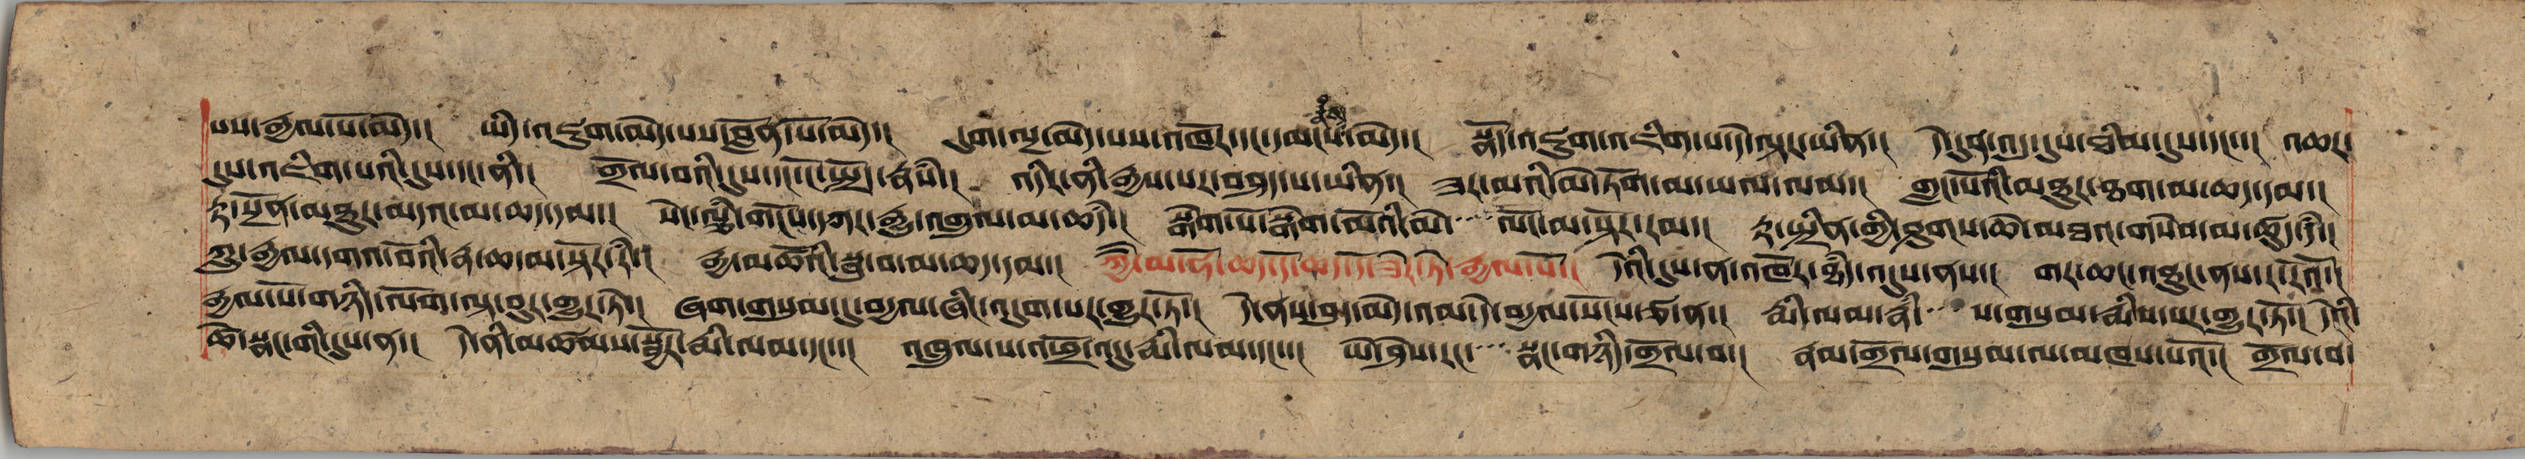པས་རྒྱལ་པོ་མེད་་། ཡིད་འཇུག་མེད་པས་བློན་པོ་མེད་། དུག་ལྔ་མེད་པས་འཁོར་དང་དམངས་མེད་། སྣོད་འཇུག་འཇིག་པ་དེ་ལྟར་ཡིན་། དེ་དུན་འདུ་དུས་ཐིམ་དུས་དང་་། འཆར་
དུས་འཇིག་པའི་དུས་དང་ནི་། གྲོལ་བའི་དུས་དང་ངོ་སྤྲོད་རྣཾས་། འདིར་ནི་རྒྱས་པར་བཤད་པ་ཡིན་། ཟར་མའི་མེ་ཏོག་མ་ཡལ་ལམ་། གླང་པོའི་མཐུར་ཐག་མ་ཆད་དམ་།
རྟ་སྔོན་མཐུར་མདའ་མ་ཆད་དམ་། སེང་ལྕཾ་གོངས་དཀར་རྒྱུ་འཁྲུལ་མ་ཆདཾ་། སྒེག་པོ་སྒེག་མོའི་མེ་ ལོང་མ་ཤོར་རམ་། རྟ་སྤྲིན་གྱི་ཤུགས་ཆེ་མཐའ་གསེབ་མ་ཚུད་དཾ་།
ཀླུ་རྒྱལ་དགའ་བོའི་རྣ་ཆ་མ་སྟོར་རེ་། རྒྱ་མཚོའི་སྦུ་བ་མ་ཆད་དམ་། ཀྱཻ་མ་ཧོ་ཆད་དོཆད་དོ་ཟེར་ཏེ་རྒྱལ་པོ་། དེའི་དུས་ན་འཁོར་ཐཾད་འདུས་ནས་། གར་ཆང་འཐུང་ནས་ར་རོའོ་།
རྒྱལ་པོ་གཉིད་ལོག་ལྟ་བུར་གྱུར་ཏེ་། ཞག་གསུམ་དུ་བདྱལ་ཞིང་འདུག་པར་གྱུར་ཏོ་། དེ་ནས་བུད་མེད་འམ་དེ་བདྱལ་སོངས་ཙ་ན་། རྨི་ལམ་རྣཾ་ ས་གསུམ་རྨིས་པར་གྱུར་ཏོ་། དེའི་
ཚེ་སྣང་གི་དུས་ན་། དེ་ནི་མཚམས་སྦྱོར་རྨི་ལམ་དང་་། འཁྲུལ་པ་འཕྲོ་འདུ་རྨི་ལམ་དང་་། ཡེ་ཤེས་རང་ སྣང་གཉིད་གྲོལ་བ་། རྣམ་གྲོལ་གསུམ་ལ་མཁས་པའོ་། གྲོལ་བ་